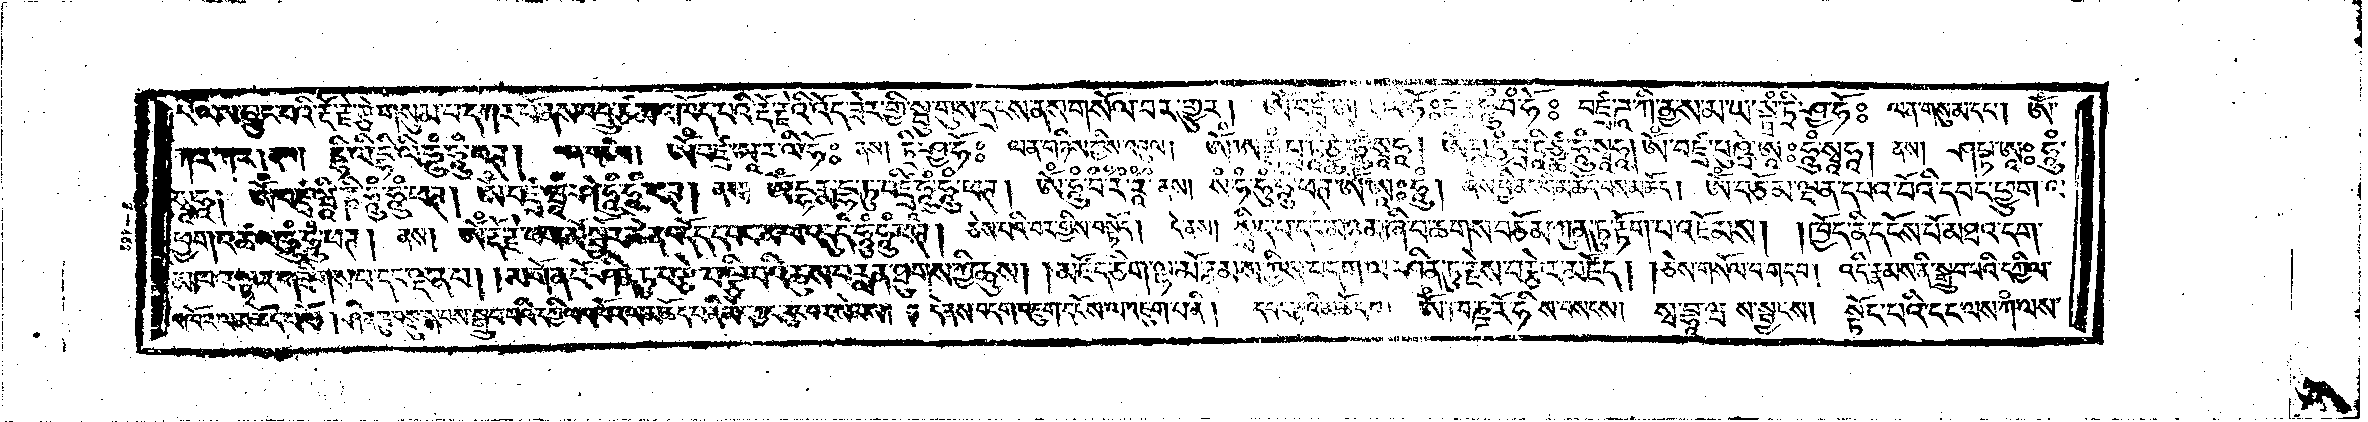པ་ལས་བྱུང་བའི་རྡོ་རྗེ་རྩེ་གསུམ་པ་དཀར་པོ་ནས་འབྲུ་ཙམ་འཁོད་པའི་རྡོ་རྗེའི་འོད་ཟེར་གྱི་སྦུ་གུས་དྲངས་ནས་གསོལ་བར་གྱུར། ཨོཾ་བཛྲ་ཨ་ར་ལ་ཧོཿཛཿཧཱུཾ་བཾ་ཧོཿབཛྲ་ཌཱ་ཀི་ནྱ་ས་མ་ཡ་སྟྲཾ་ཏྲི་ཤྱ་ཧོཿལན་གསུམ་དང་།  ཨོཾ་
?ཏར་ཀ་ར། ནལ་དྷཱི་ལི་དྷི་ལིཧཱུཾཧཱུཾ་ཕཊ། ལན་གཅིག་ཨོཾ་བཛྲ་ཨཱ་ར་ལི་ཧོཿནས་ཏྲིཤྱ་ཧོཿལན་གཉིས་ཀྱིས་འབུལ།  ཨོཾ་ཨརྡྷཾ་པྲ་ཏEཙྪ་ཧཱུཾ་སྭཱཧཱ། ཨོཾ་པཱདྱཾ་པྲཏཱིཙྪ་ཧཱུཾ་སྭཱཧཱ། ཨོཾ་བཛྲ་པུཥྤེ་ཨཱཿཧཱུཾ་སྭཱཧཱ། ནས་ཤཔྟ་ཨཱཿཧཱུཾ་
སྭཱཧཱ། ཨོཾ་བཛྲ་ཝཱི་ཎི་ཧཱུཾ་ཧཱུཾ་ཕཊ། ཨོཾ་བཛྲ་ཝཱ་ཤེ་ཧཱུཾ་ཧཱུཾ་ཕཊ། ཨོཾདྷརྨ་དྷ་ཏུ་བྫི་ཧཱུཾ་ཧཱུཾ་ཕཊ། ཨོཾ་ཧཱུཾ་བཾཨྀ་རྀ་རཱྀཨཾ། ཞེས་ཕྱི་ནང་གི་མཆོད་པས་མཆོད།  ཨོཾ་བཅོམ་ལྡན་དཔའ་བོའི་དབང་ཕྱུག་ལ་
ཕྱག་འཚལ་ཧཱུཾ་ཧཱུཾ་ཕཊ། ནས།  ཨོཾ་རྡོ་རྗེ་ལག་མོ་སྦྱོར་ཆེན་འདོད་དབང་མལ་འདུ་དེ་ཧཱུཾ་ཧཱུཾ་ཕཊ། ཅེས་པའི་བར་གྱིས་བསྟོད། དེ་ནས།  སྲིད་པ་དང་མཉམ་ཞི་བ་ཆགས་བཅོམ་ཀུན་ཏུ་རྟོག་པ་འཇོམས། །ཁྱོད་ནི་དངོས་པོ་མཐའ་དག་
མཁའ་སྟར་གཟིགས་པ་དང་ལྡན་པ། །མགོན་པོ་ཤིན་ཏུ་བརྩེ་བ་ལྕི་བའི་ཆུས་བརླན་ཐུགས་ཀྱི་ཆུས། །མཛོད་ཅིག་ལྷ་མོ་རྣམས་ཀྱིས་བདག་ལ་ཤིན་ཏུ་རྗེས་བརྩེར་མཛོད། །ཅེས་གསོལ་བ་གདབ། འདི་རྣམས་ནི་སྒྲུབ་པའི་དཀྱིལ་
འཁོར་ལ་མཆོད་པའོ། ཤིན་དུ་བསྡུ་སྐབས་སྒྲུབ་པའི་དཀྱིལ་འཁོར་ལ་མཆོད་པ་ནི་མེད་ཀྱང་རུང་བར་སེམས། ༈ དེ་ནས་བདག་འཇུག་དངོས་ལ་འཇུག་པ་ནི། དབང་ལྷའི་མཆོད་པ། ཨོཾ་ཁཎྜརོ་ཧིས་བསངས།  སྭ་བྷཱ་ཝ་ས་སྦྱངས། སྟོང་པའི་ངང་ལས་ཀཾ་ལས་